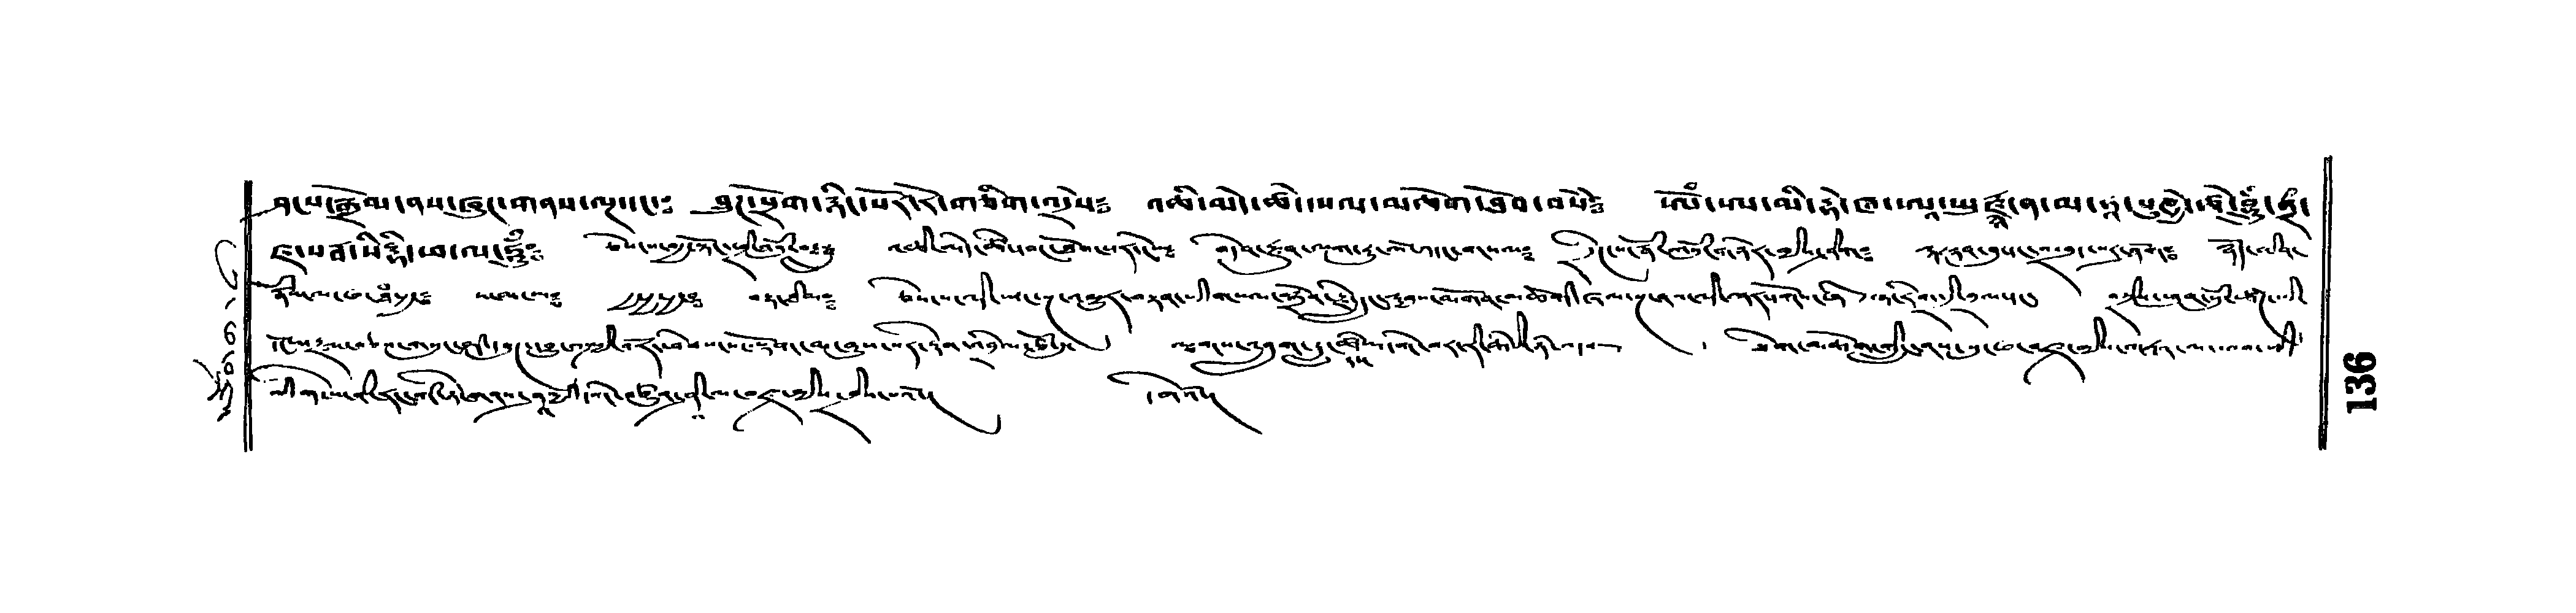ཤངས་སྒྲོམ་ནས་ཞུགས་གནས་ལྔ་དང༔ ཐུགས་སྲོག་སྙིང་པོར་རོ་གཅིག་འདྲེས༔ འཆི་མེད་ཚེ་དཔལ་མཆོག་ཐོབ་བསམ༔ ཨོཾ་ཨ་མི་དྷེ་ཝ་ཨཱ་ཡུརྫྙཱ་ན་མ་ཧཱ་པུཎྱེ་ཚེ་བྷྲཱུྃ་ནྲྀ་
ཛ་སརྦ་སིདྡྷི་ཕ་ལ་ཧཱུྃ༔ ཅཞས་པ་བརྒྱ་སྟོང་ཁྲི་གསུམ་བཟླ༔ འཆི་མེད་ཚེ་དབང་ཐོབ་པར་ངེས༔ བདེན་རྫུན་ལག་ཏུ་ལོངས་འདང་གསལ༔ དྲེགས་པ་རྣམ་གསུམ་གཉེར་གྱིས་ཤིག༔ སྐལ་ལྡན་བུ་དང་འཕྲད་པར་ཤོག༔ སྣོད་མིན་
རྣམས་ལ་ཁ་ཐཾ་རྒྱ༔ ས་མ་ཡ༔ རྒྱ་རྒྱ་རྒྱ༔ བརྡ་ཐིམ༔ ཞེས་པ་འདི་ཡང་སྔ་འགྱུར་བསྟན་པའི་གསལ་སྒྲོན་རྗེ་དྲུང་སྐྱབས་མགོན་མཆོག་གི་ཞལ་སྔ་ནས་འདི་ལྟར་དགོས་ཞེས་ལྷ་རེག་དྲི་བྲལ་དང་། བཀྲ་ཤིས་ཕུན་སུམ་ཚོགས་པའི་
དངོས་རྫས་བཅས་གསུང་གི་དབུགས་དབྱུང་སྤྱི་བོར་ཕེབས་པ་ལྡོག་མ་ནུས་པར་རྟེན་འབྲེལ་ཙམ་དུ། ལྕགས་འབྲུག་ཟླ་ཚེས་༢༥དགེ་བར་རི་ཆེའི་ཉེ་འདབས་ཐེག་མཆོག་གླིང་ནས་སུ་ཁ་བཛྲ་གྱིས་གཏན་ལ་ཕབ་པའི་
ཡི་གེ་པ་ནྀ་རང་གི་ཉེ་གནས་ཤཱཀྱའི་དགེ་བཙུན་ཤཱི་ལ་བཛྲ་གྱིས་བྲིས་པའོ།།དགེའོ།།